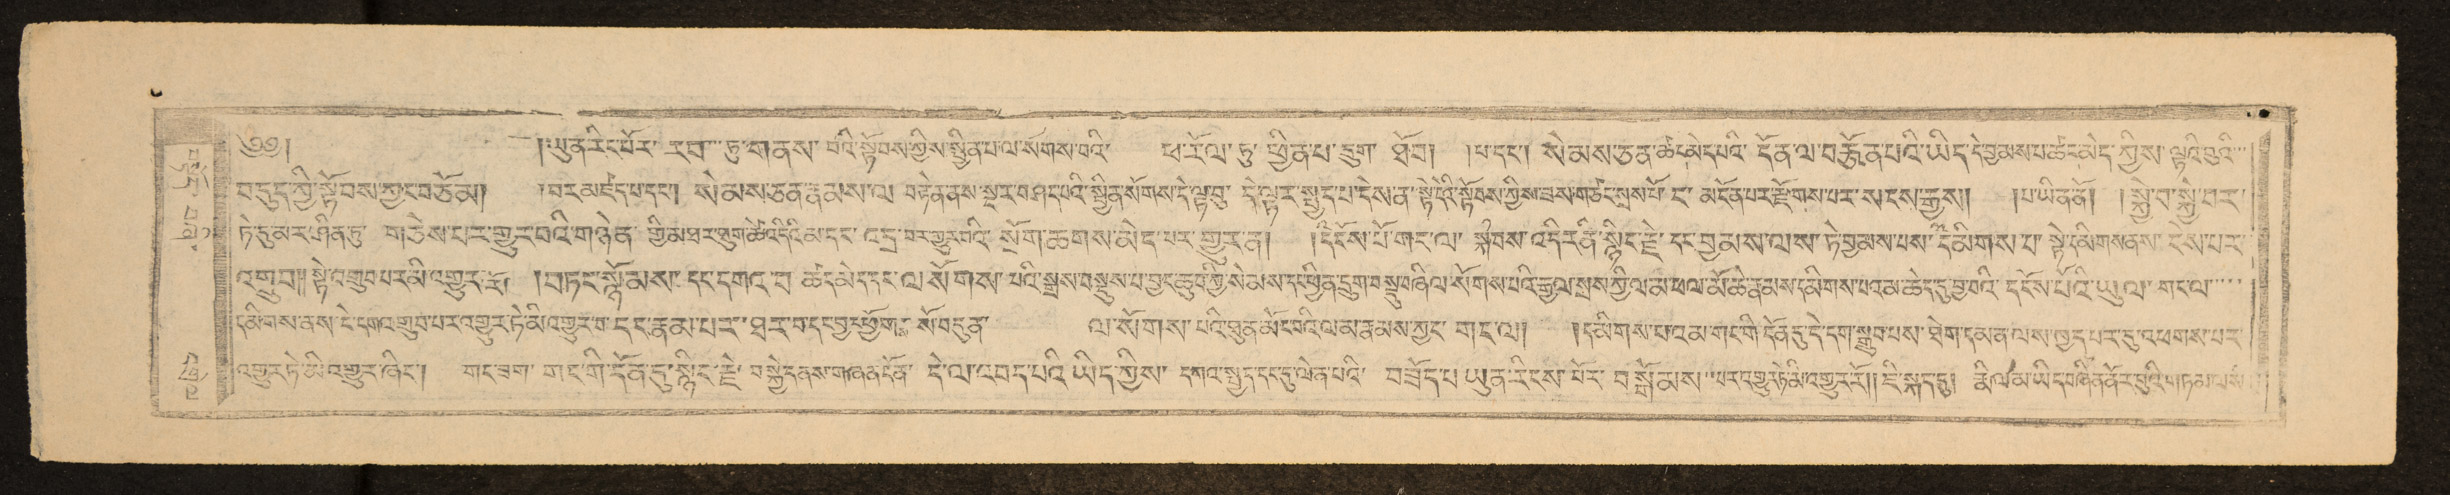༄༅། །ཡུན་རིང་པོར་རབ་ཏུ་གནས་པའི་སྟོབས་ཀྱིས་སྦྱིན་པ་ལ་སོགས་པའི་ཕ་རོལ་ཏུ་ཕྱིན་པ་དྲུག་ཐོབ། །པ་དང་། སེམས་ཅན་ཚད་མེད་པའི་དོན་ལ་བརྩོན་པའི་ཡིད་དེ་བྱམས་པ་ཚད་མེད་ཀྱིས་ལྟའི་བུའི་
བདུད་ཀྱི་སྟོབས་ཀྱང་བཅོམ། །བར་མཛད་པ་དང་། སེམས་ཅན་རྣམས་ལ་བརྟེན་ནས་སྔར་བཤད་པའི་སྦྱིན་སོགས་དེ་ལྟ་བུ་དེ་ལར་སྤྱད་པ་དེས་ན་སྟེ་དེའི་སྟོབས་ཀྱིས་ཟག་གཙང་སྲས་པོ་ང་མངོན་པར་རྫོགས་པར་སངས་རྒྱས། །པ་ཡིན་ནོ། །སྐྱེ་བ་སྐྱེ་བར་
ཏེ་དུ་མར་ཤིན་ཏུ་གཅེས་པར་གྱུར་བའི་གཉེན་གྱི་མཐར་ཐུག་ཚེ་འདིའི་མ་དང་འདྲ་བར་གྱུར་བའི་སྲོག་ཆགས་མེད་པར་གྱུར་ན། །དངོས་པོ་གང་ལ་སྐབས་འདིར་ནི་སྙིང་རྗེ་དང་བྱམས་ལས་ཏེ་བྱམས་པས་དམིགས་པ་སྟེ་དམིགས་ནས་ངེས་པར་
འགྲུབ།། སྟེ་འགྲུབ་པར་མི་འགྱུར་རོ། །བཏང་སྙོམས་དང་དགའ་བ་ཚད་མེད་དང་ལ་སོགས་པའི་སྒྲས་བསྡུས་པ་བྱང་ཆུབ་ཀྱི་སེམས་དང་ཕྱིན་དྲུག་བསྡུ་བཞི་ལ་སོགས་པའི་རྒྱལ་སྲས་ཀྱི་ལམ་ཕལ་མོ་ཆེ་རྣམས་དམིགས་པའམ་ཆེད་དུ་བྱ་བའི་དངོས་པོའི་ཡུལ་གང་ལ་
དམིགས་ནས། དེ་དགའ་གྲུབ་པར་འགྱུར་ཏེ་མི་འགྱུར་བ་དང་རྣམ་པར་ཐར་བ་དང་བྱང་ཕྱོགས་སོ་བདུན། ལ་སོགས་པའི་ཐུན་མོང་བའི་ལམ་རྣམས་ཀྱང་གང་ལ། །དམིགས་པའམ་གང་གི་དོན་དུ་དེ་དག་སྒྲུབ་པས་ཐེག་དམན་ལས་ཁྱད་པར་དུ་འཕགས་པར་
འགྱུར་ཏེ་མི་འགྱུར་ཞིང་། གང་ཟག་གང་གི་དོན་དུ་སྙིང་རྗེ་བསྐྱེད་ནས་གཞན་དོན་དེ་ལ་འབད་པའི་ཡིད་ཀྱིས་དཀའ་སྤྱད་དང་དུ་ལེན་པའི་བཟོད་པ་ཡུན་རིངས་པོར་བསྒོམས་པར་འགྱུར་ཏེ་མི་འགྱུར་རོ།། ཇི་སྐད་དུ། རྨི་ལམ་ཡིད་བཞིན་ནོར་བུའི་གཏམ་ལས་